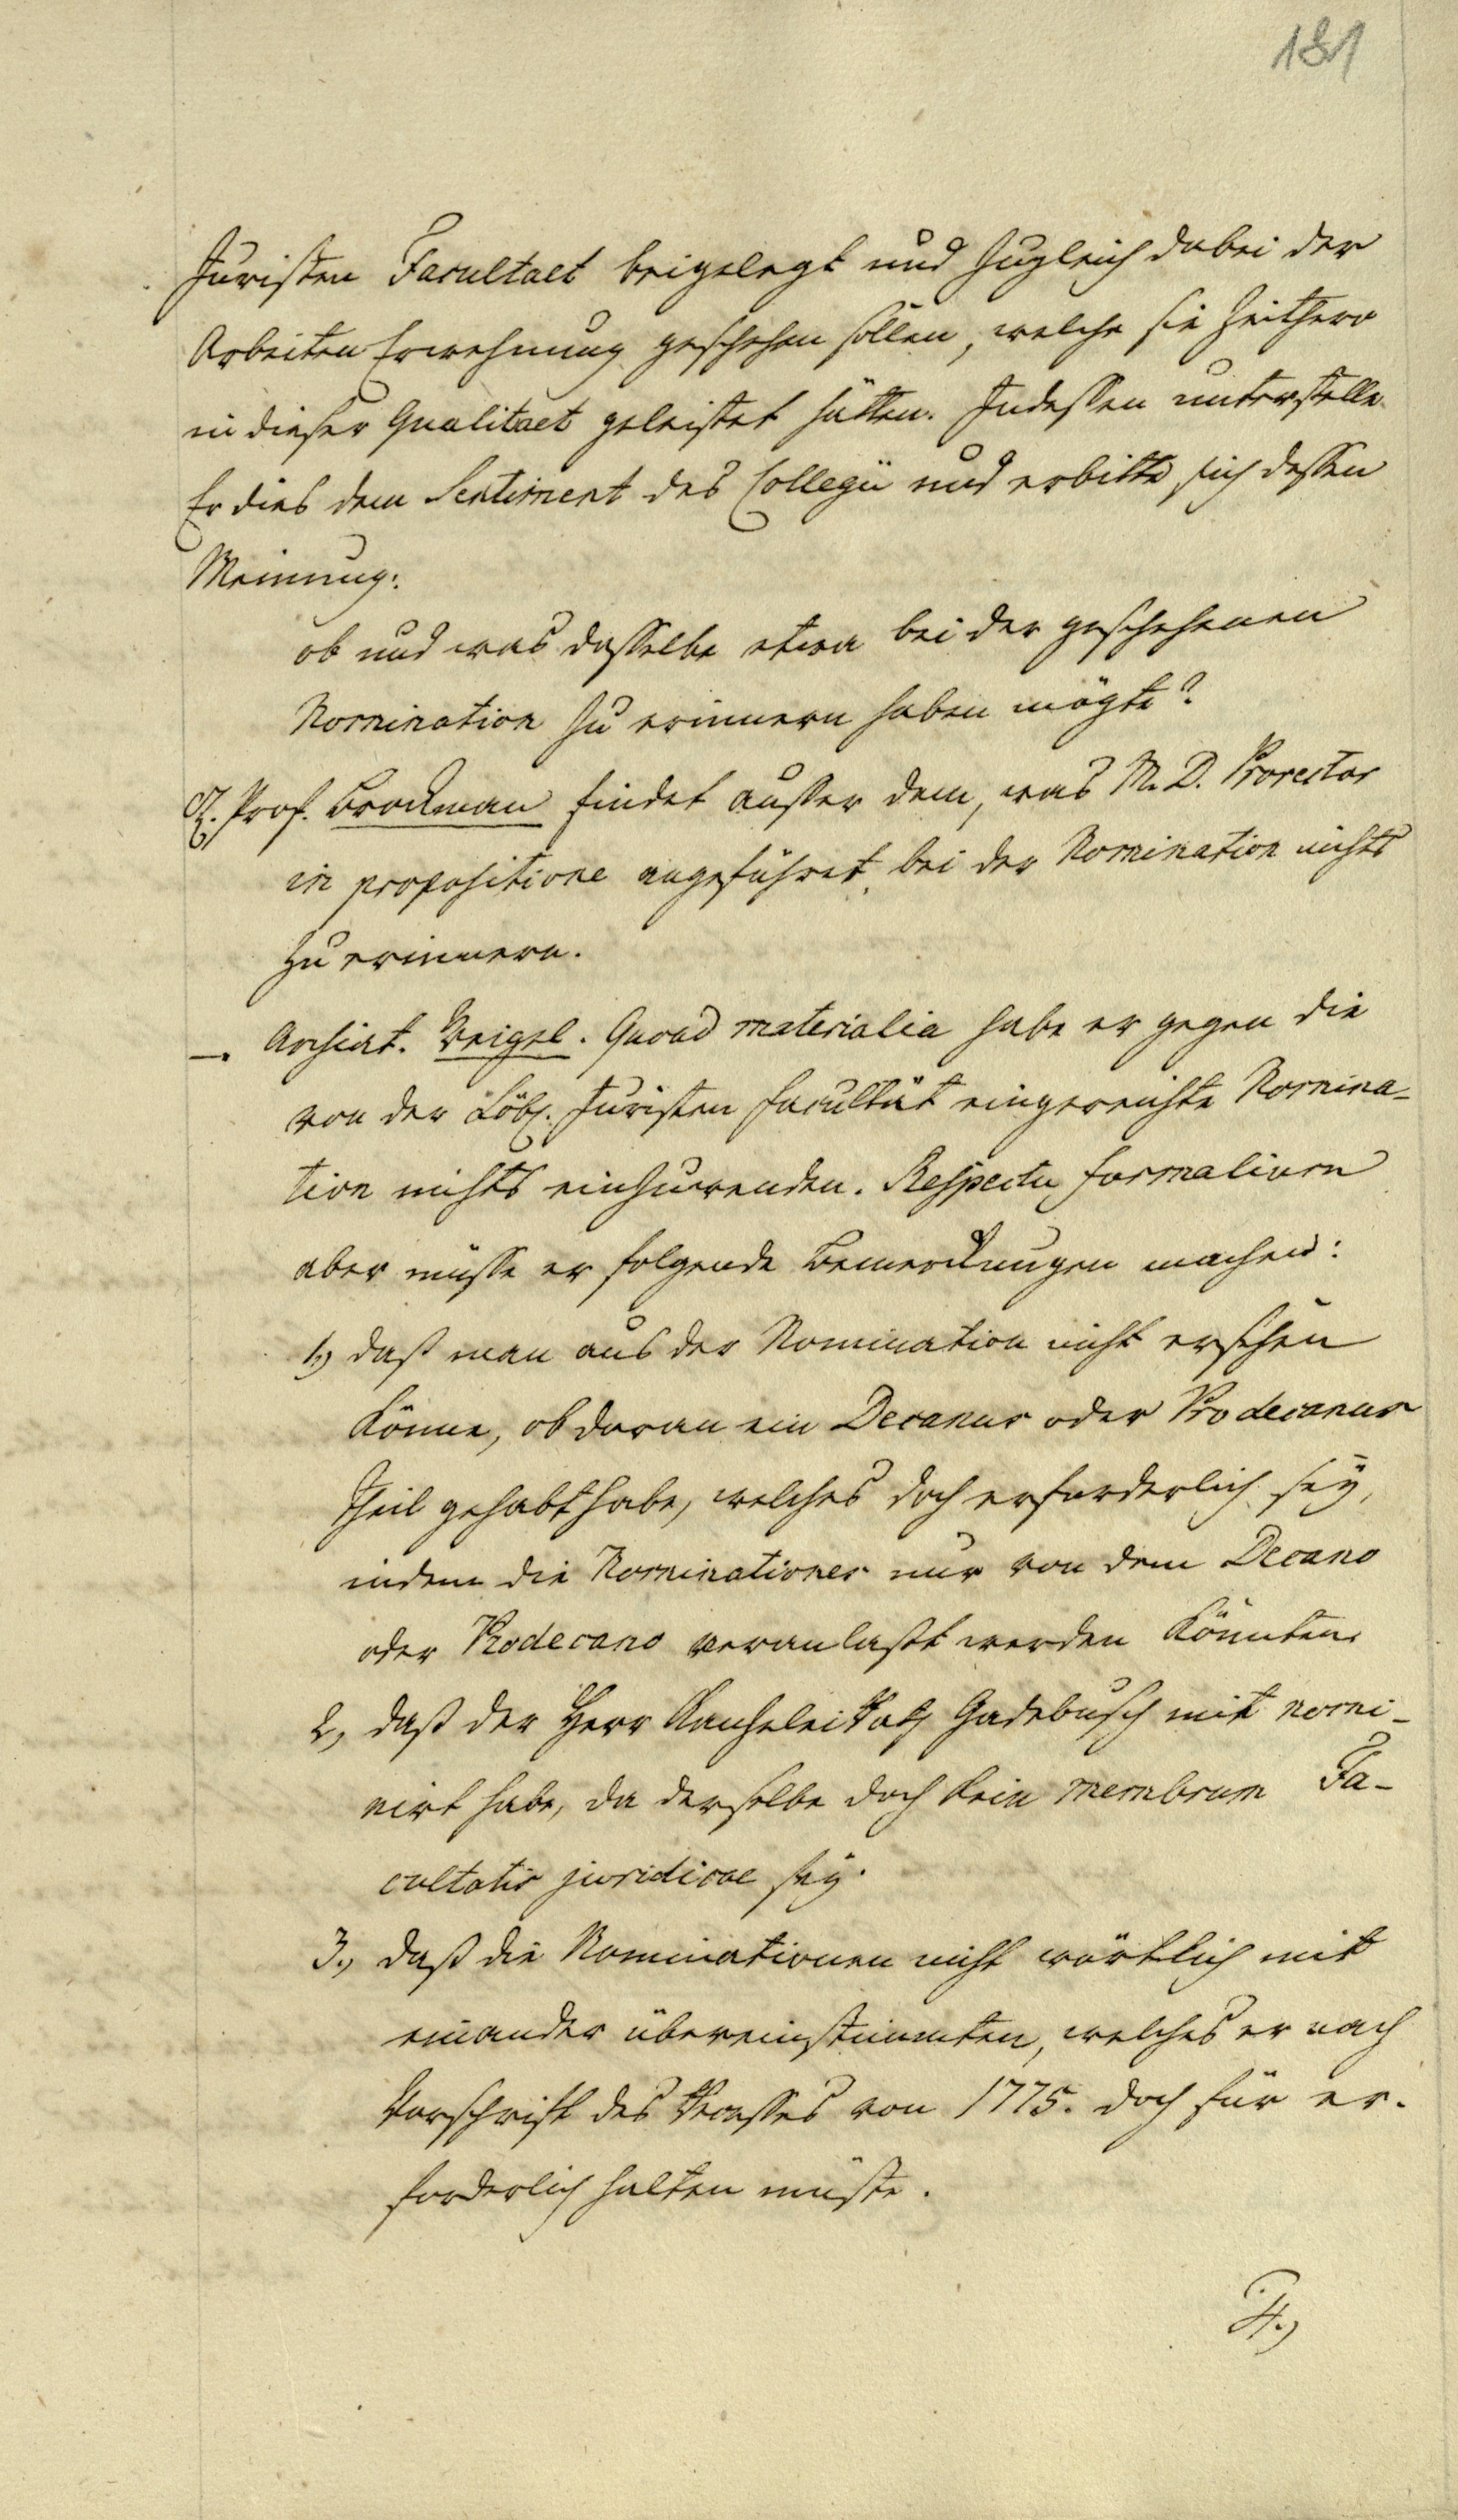Juristen Facultaet beigelegt und zugleich dabei der
Arbeiten Erwehnung geschehen sollen, welche sie zeithero
in dieser Qualitaet geleistet hätten. Indessen unterstelle
Er dies dem Sentiment des Collegii und erbitte sich dessen
Meinung:
ob und was dasselbe etwa bei der geschehenen
Nomination zu erinnern haben mögte ?
dh. Prof. Brockmann findet ausser dem, was M. D. Prorector
in propositione angeführet bei der Nomination nichts
zu erinnern.
Archiat. Weigel. Quoad materialia habe er gegen die
von der Löbl. Juristen Facultät eingereichte Nomina¬
tion nichts einzuwenden. Respectu formalium
aber müsse er folgende Bemerckungen machen:
1, daß man aus der Nomination nicht ersehen
könne, ob daran ein Decanus oder Prodecanus
Theil gehabt habe, welches doch erforderlich seÿ,
indem die Nominationes nur von dem Decano
oder Prodecano veranlaßt werden könnten.
2, daß der Herr Kanzelei Rath Gadebusch mit nomi¬
nirt habe, da derselbe doch kein membrum Fa¬
cultatis juridicae seÿ.
3., daß die Nominationen nicht wörtlich mit
einander übereinstimmten, welches er nach
Vorschrift des Recesses von 1775. doch für er¬
forderlich halten müßte.
4.,